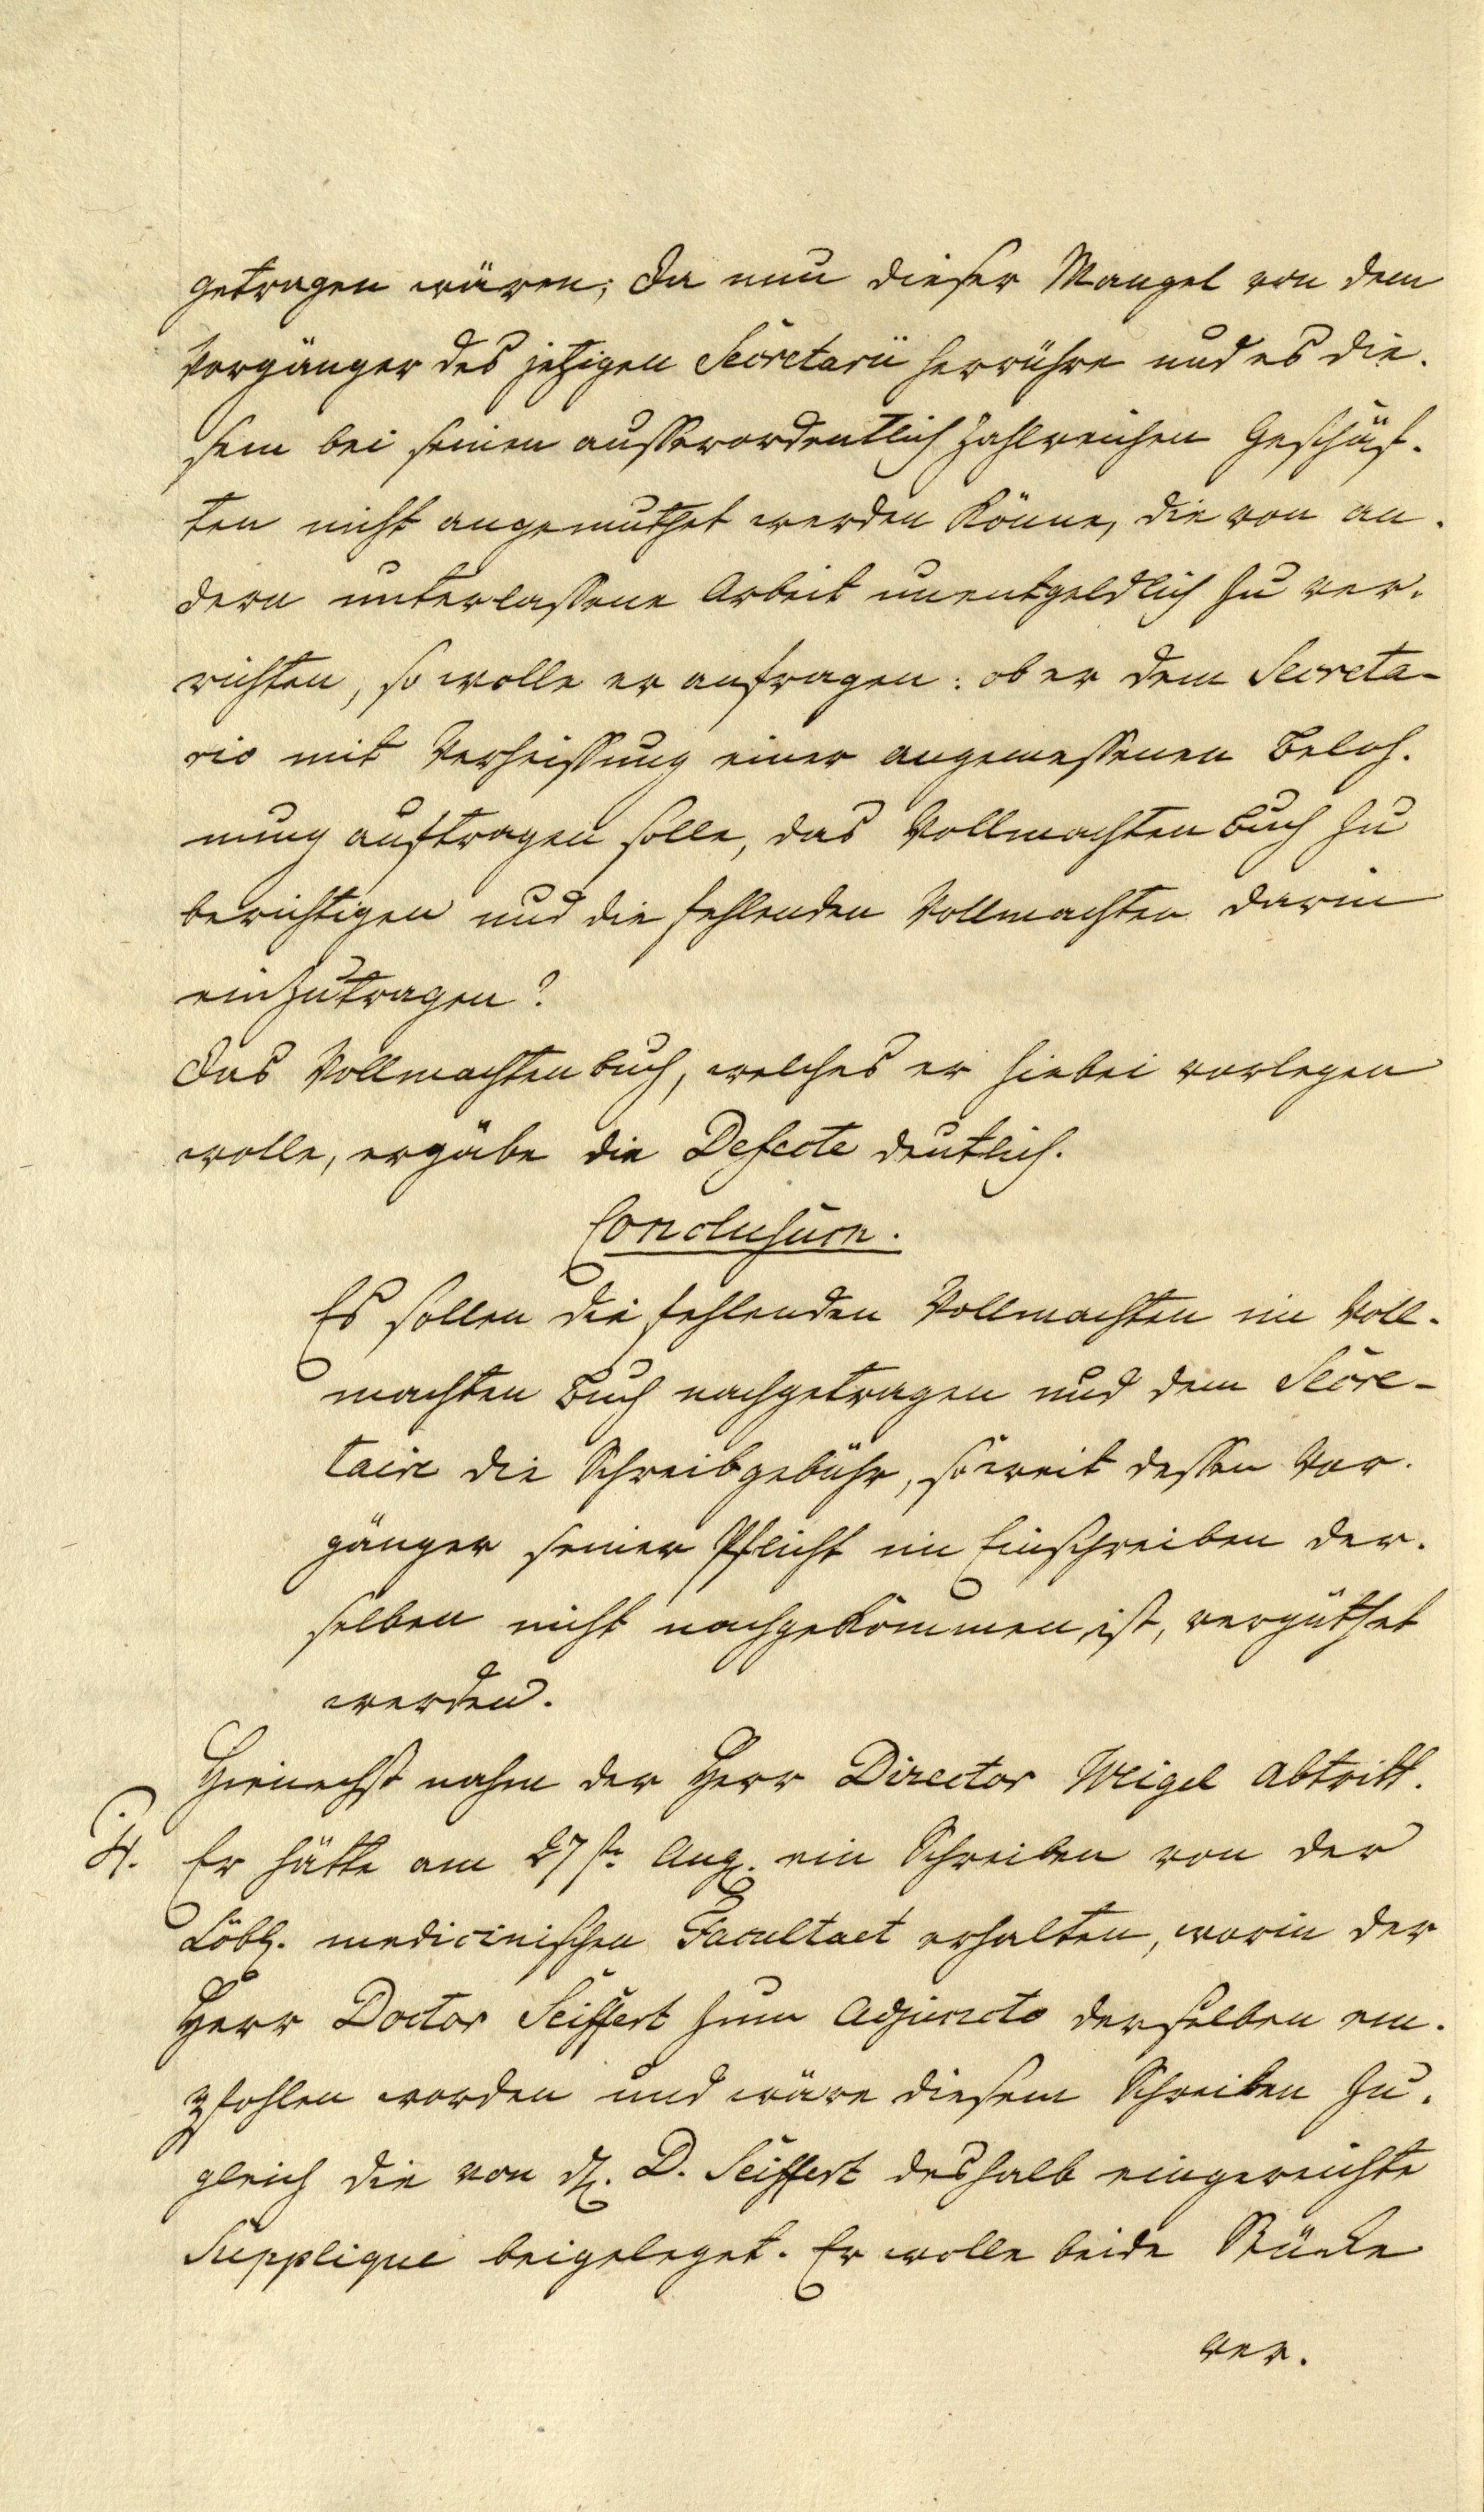getragen wären, da nun dieser Mangel von dem
Vorgänger des jetzigen Secretarii herrühre und es die-
sem bei seinen ausserordentlich zahlreichen Geschäf-
ten nicht angemuthet werden könne, die von an-
dern unterlassene Arbeit unentgeldlich zu ver-
richten, so wolle er anfragen: ob er dem Secreta-
rio mit Verheissung einer angemessenen Beloh-
nung auftragen solle, das Vollmachten Buch zu
berichtigen und die fehlenden Vollmachten darin
einzugragen?
Das Vollmachten Buch, welches er hiebei vorlegen
wolle, ergäbe die Defecte deutlich.
Conclusum.
Es sollen die fehlenden Vollmachten im Voll-
machten Buch nachgetragen und dem Secre-
taire die Schreibgebühr, soweit dessen Vor-
gänger seiner Pflicht im Einschreiben der-
selben nicht nachgekommen ist, vergüthet
werden
Hienechst nahm der Herr Director Weigel Abtritt.
4. Er hätte am 27sten Aug. ein Schreiben von der
Löbl. medicinischen Facultät erhalten, worin der
Herr Doctor Seiffert zum Adjuncto derselben em-
pfohlen worden und wäre diesem Schreiben zu-
gleich die von dh. D. Seiffert deshalb eingereichte
Supplique beigeleget. Er wolle beide Stücke
ver-